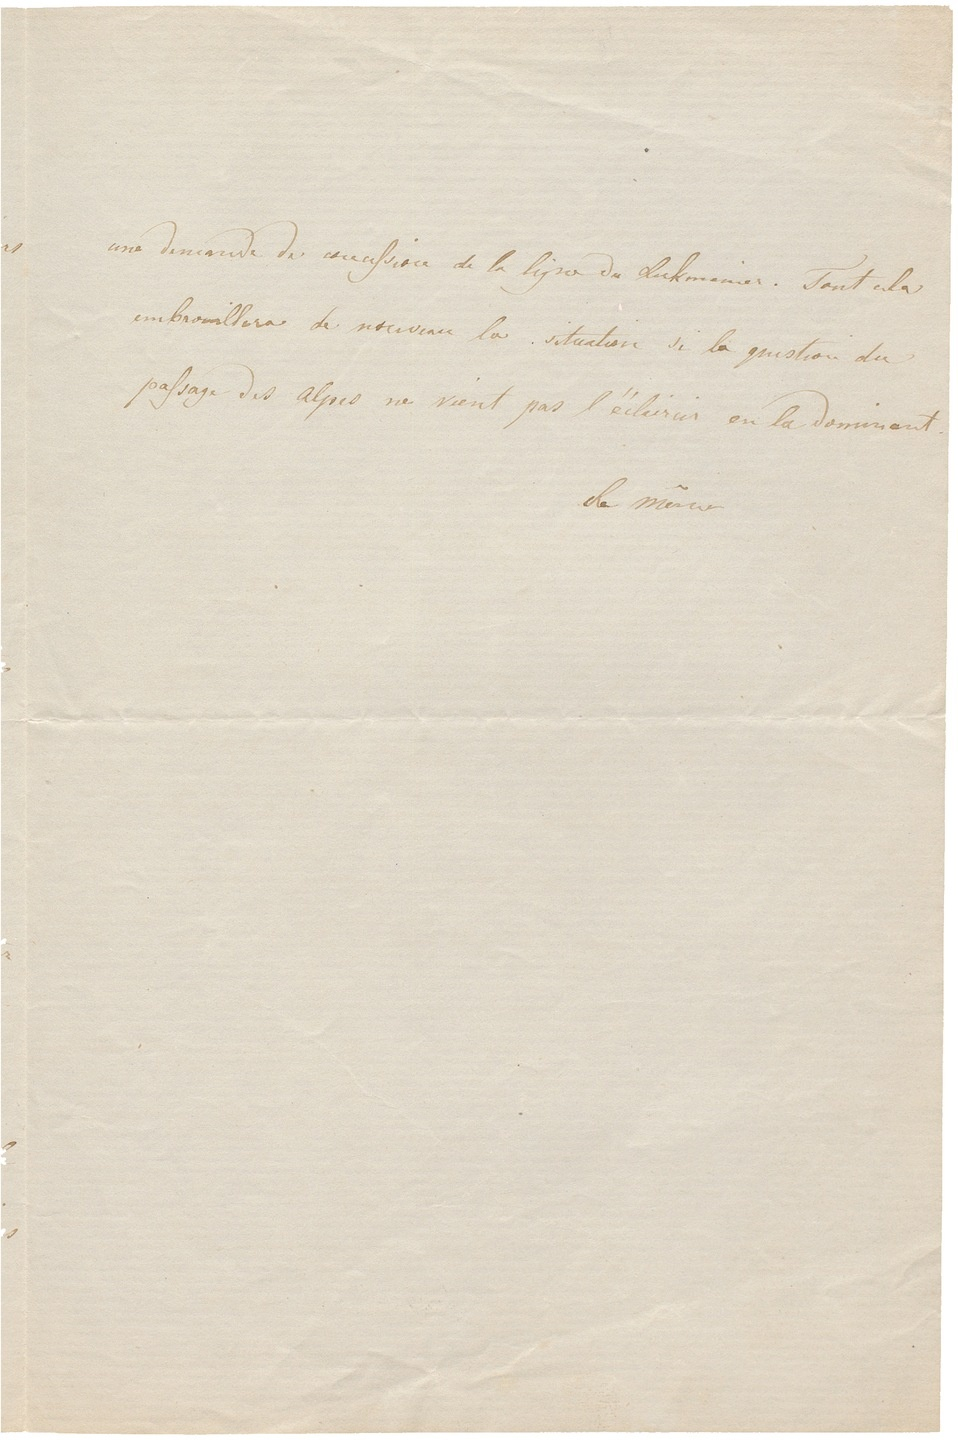une demande de concession de la ligne du Lukmanier. Tout cela
embrouillera de nouveau la situation si la question du
passage des Alpes ne vient pas l'éclaircir en la dominant.
Le même